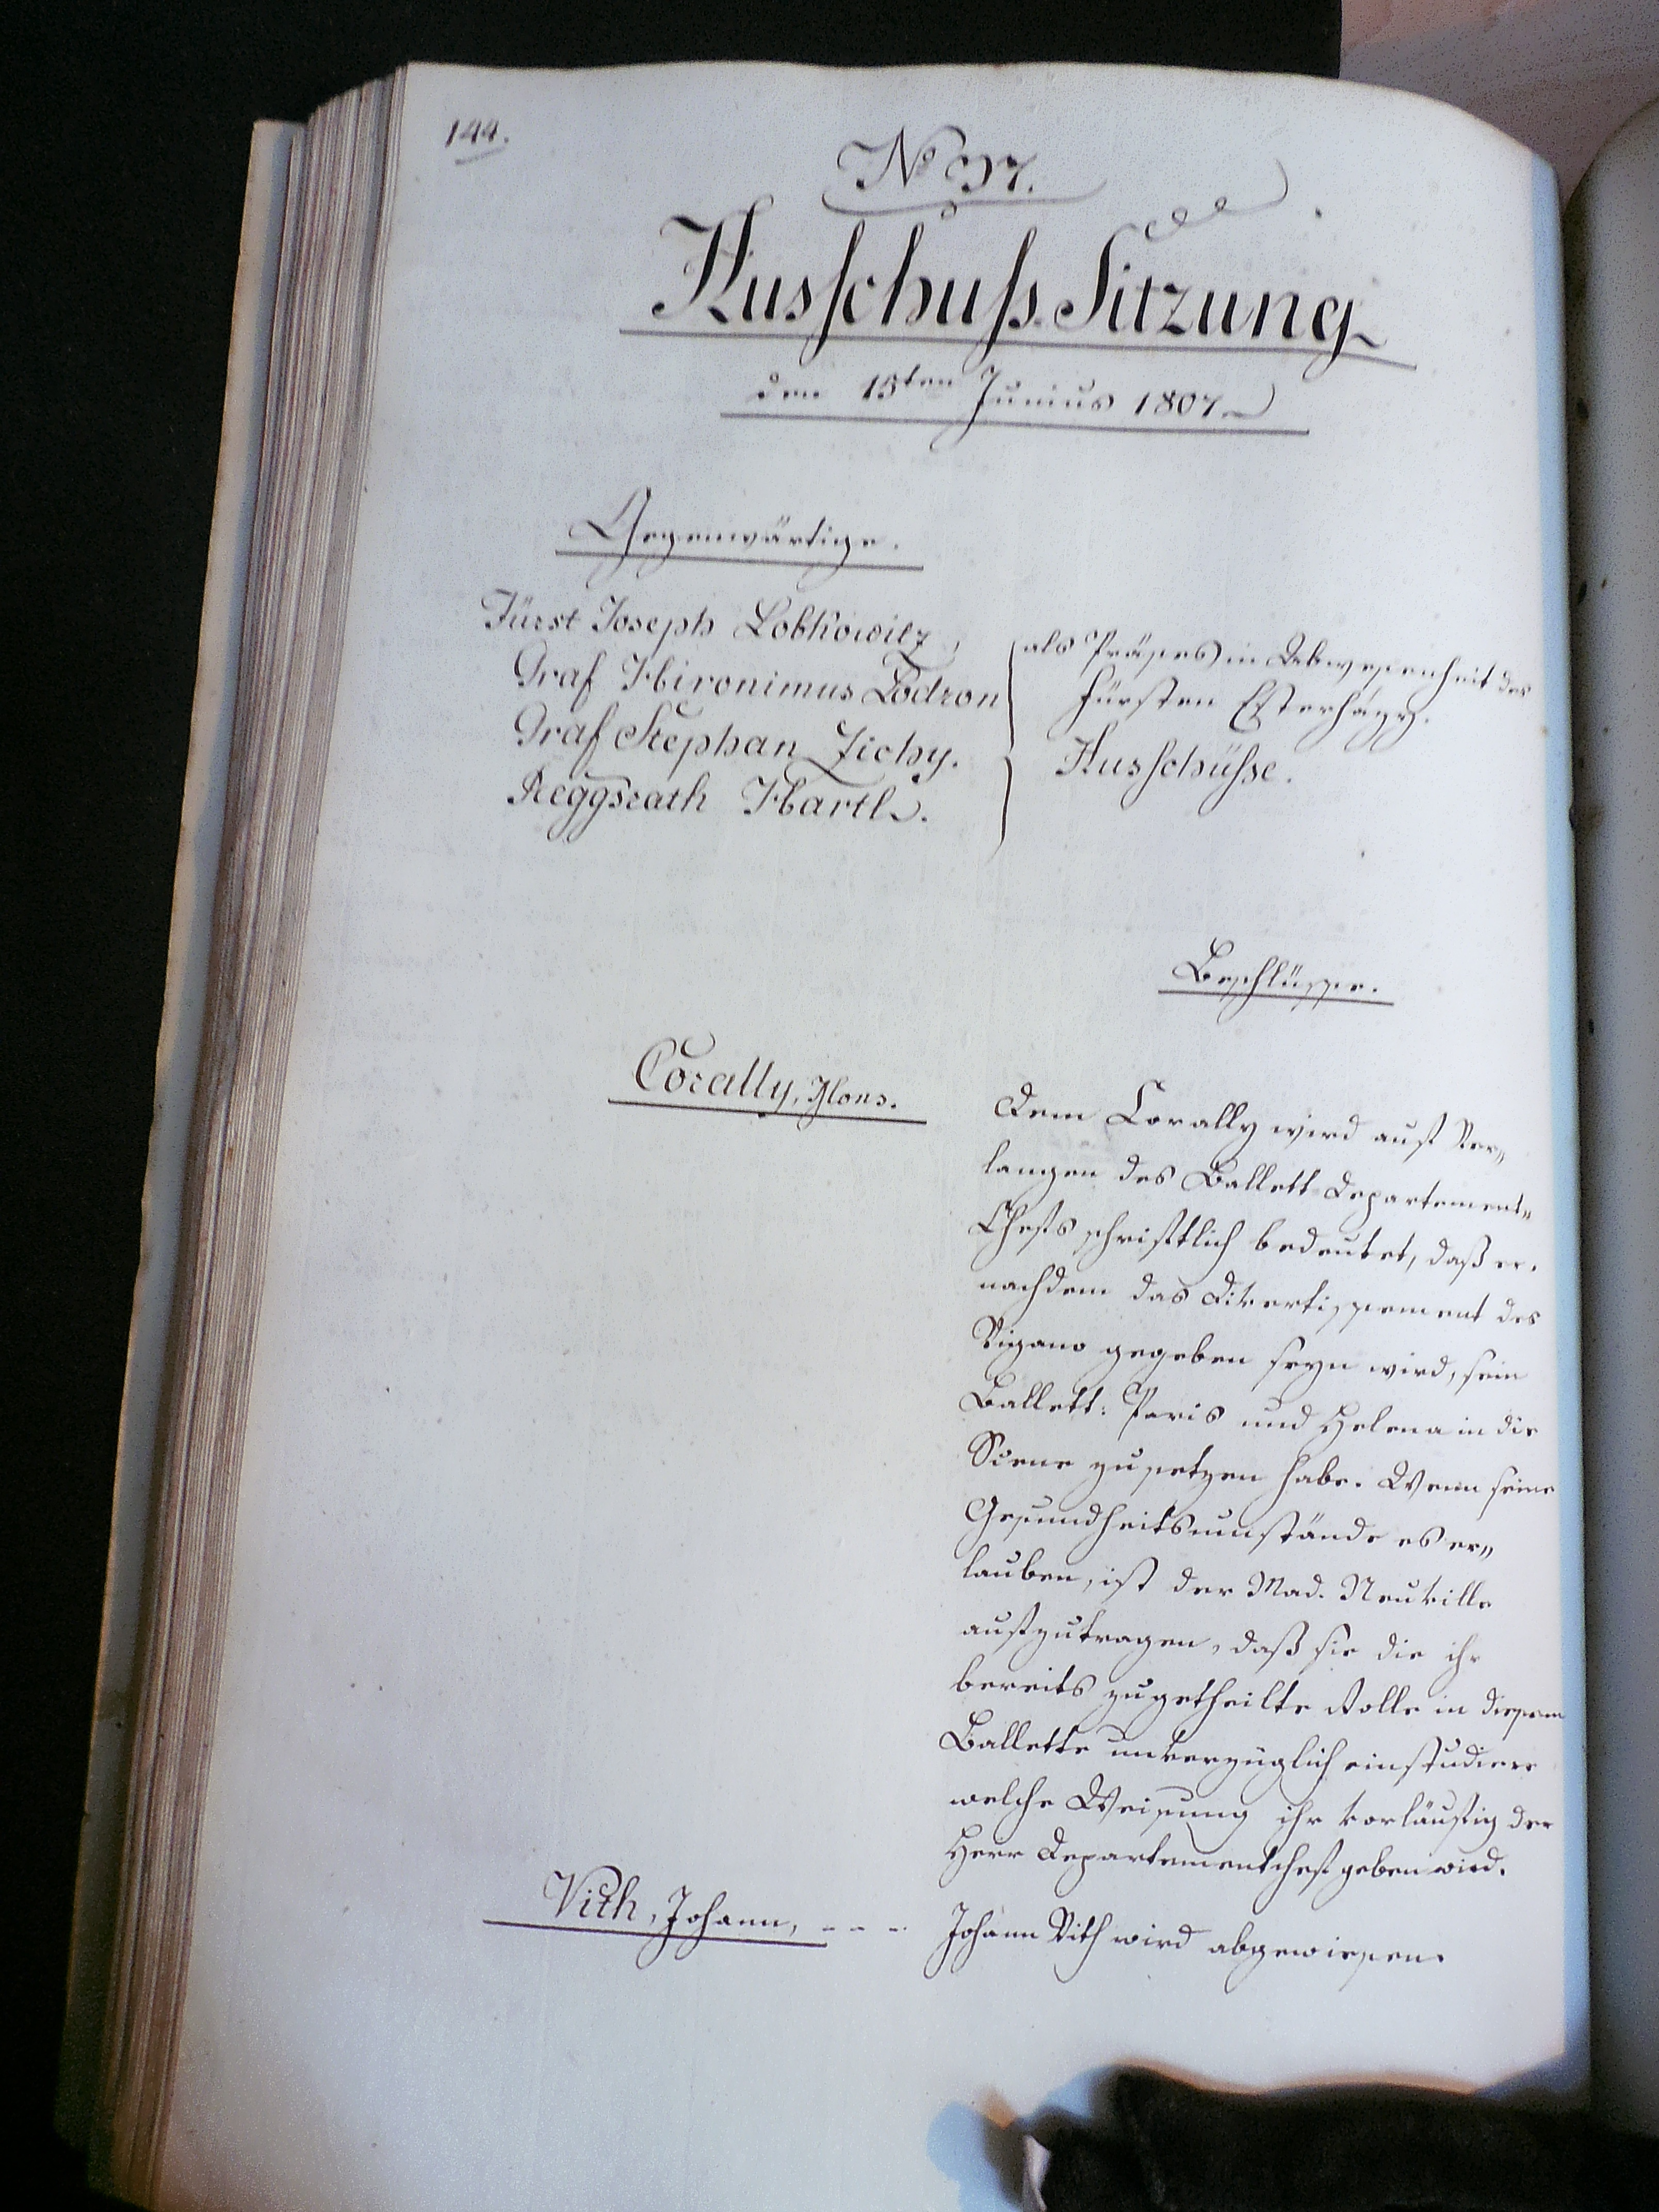144.
No͇ 37.
Ausschuss‗Sitzung
den 15te͇n Junius 1807.
Gegenwärtige.
Fürst Joseph Lobkowitz, als Präses, in Abwesenheit des
Fürsten Esterházy.
Graf Hironimus Lodron
Graf Stephan Zichy.
Reg͞gsrath Hartl.
Ausschüsse
Beschlüsse.
Corally, Mons. Dem Corally wird auf Ver¬
langen des Ballett Departement¬
Chefs schriftlich bedeutet, daß er,
nachdem das Divertissement des
Vigano gegeben seyn wird, sein
Ballett: Paris und Helena in die
Scene zusetzen habe. Wenn seine
Gesundheitsumstände es er¬
lauben, ist der Mad. Neuville
aufzutragen, daß sie die ihr
bereits zugetheilte Rolle in diesem
Ballette unverzüglich einstudiere
welche Weisung ihr vorläufig der
Herr Departementchef geben wird.
Vith, Johann, .. .. .. Johann Vith wird abgewiesen.